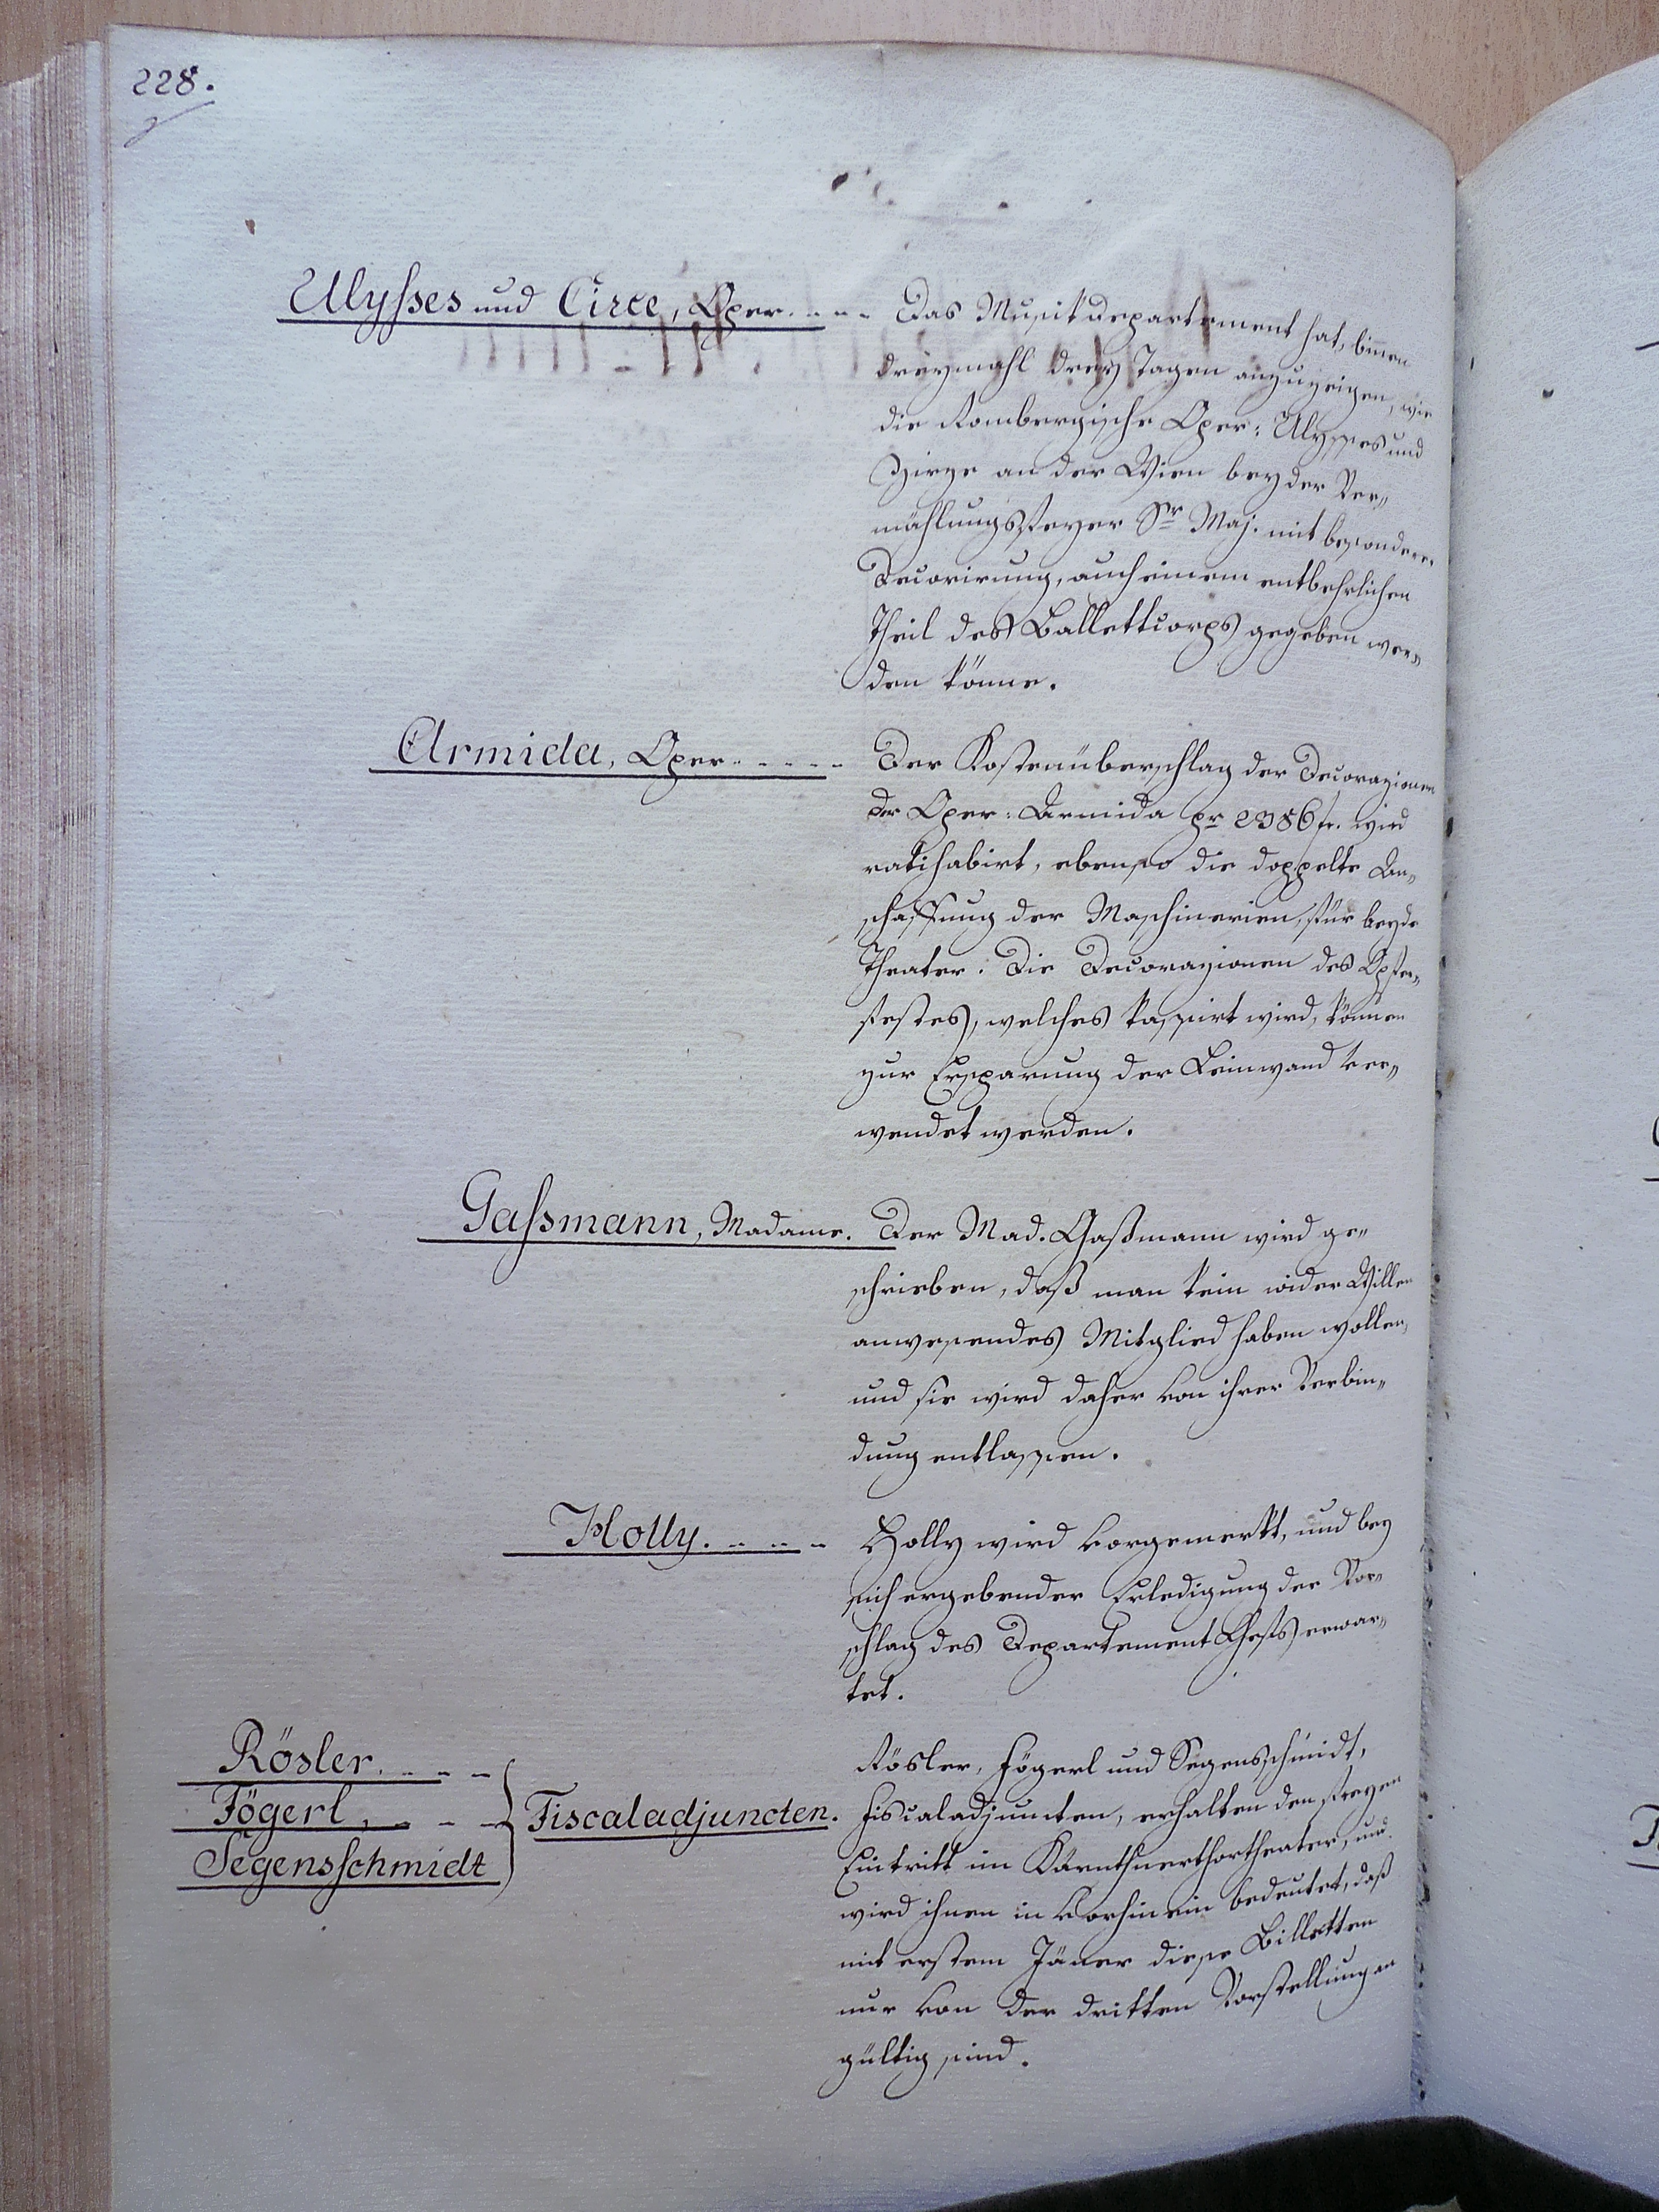228.
Ulysses und Circa, Oper. .. .. .. Das Musikdepartement hat, bin̅en
dreymahl drey Tagen anzuzeigen, wie
die Rombergische Oper: Ulyses und
Zirze an der Wien bey der Ver¬
mählungsfeyer Sr͇ Maj. mit besonderer
Decorirung, auch einem entbehrlichen
Theil des Ballettcorps gegeben wer¬
den könne.
Armida, Oper .. .. .. .. .. Der Kostenüberschlag der Decorazionen
der Oper: Armida pr͇ 2386fr. wird
ratihabirt, ebenso die doppelte An¬
schaffung der Maschinerien für beyde
Theater. Die Decorazionen des Opfer¬
festes, welches kassirt wird, können
zur Ersparung der Leinwand ver¬
wendet werden.
Gassmann, Madame. Der Mad. Gaßmann wird ge¬
schrieben, daß man kein wider Willen
anwesendes Mitglied haben wollen,
und sie wird daher von ihrer Verbin¬
dung entlassen.
Holly. .. .. .. Holly wird vorgemerkt, und bey
sich ergebender Erledigung der Vor¬
schlag des Departement Chefs erwar¬
tt.
Rösler. .. .. ..
Fögerl, .. .. ..
Segensschmidt
Fiscaladjuncten.
Rösler, Fögerl und Segensschmidt,
Fiscaladjuncten, erhalten den freyen
Eintritt im Kärnthnerthortheater , und
wird ihnen in vorhinein bedeutet, daß
mit ersten Jäner diese Billetten
nur von der dritten Vorstellungen
gültig sind.